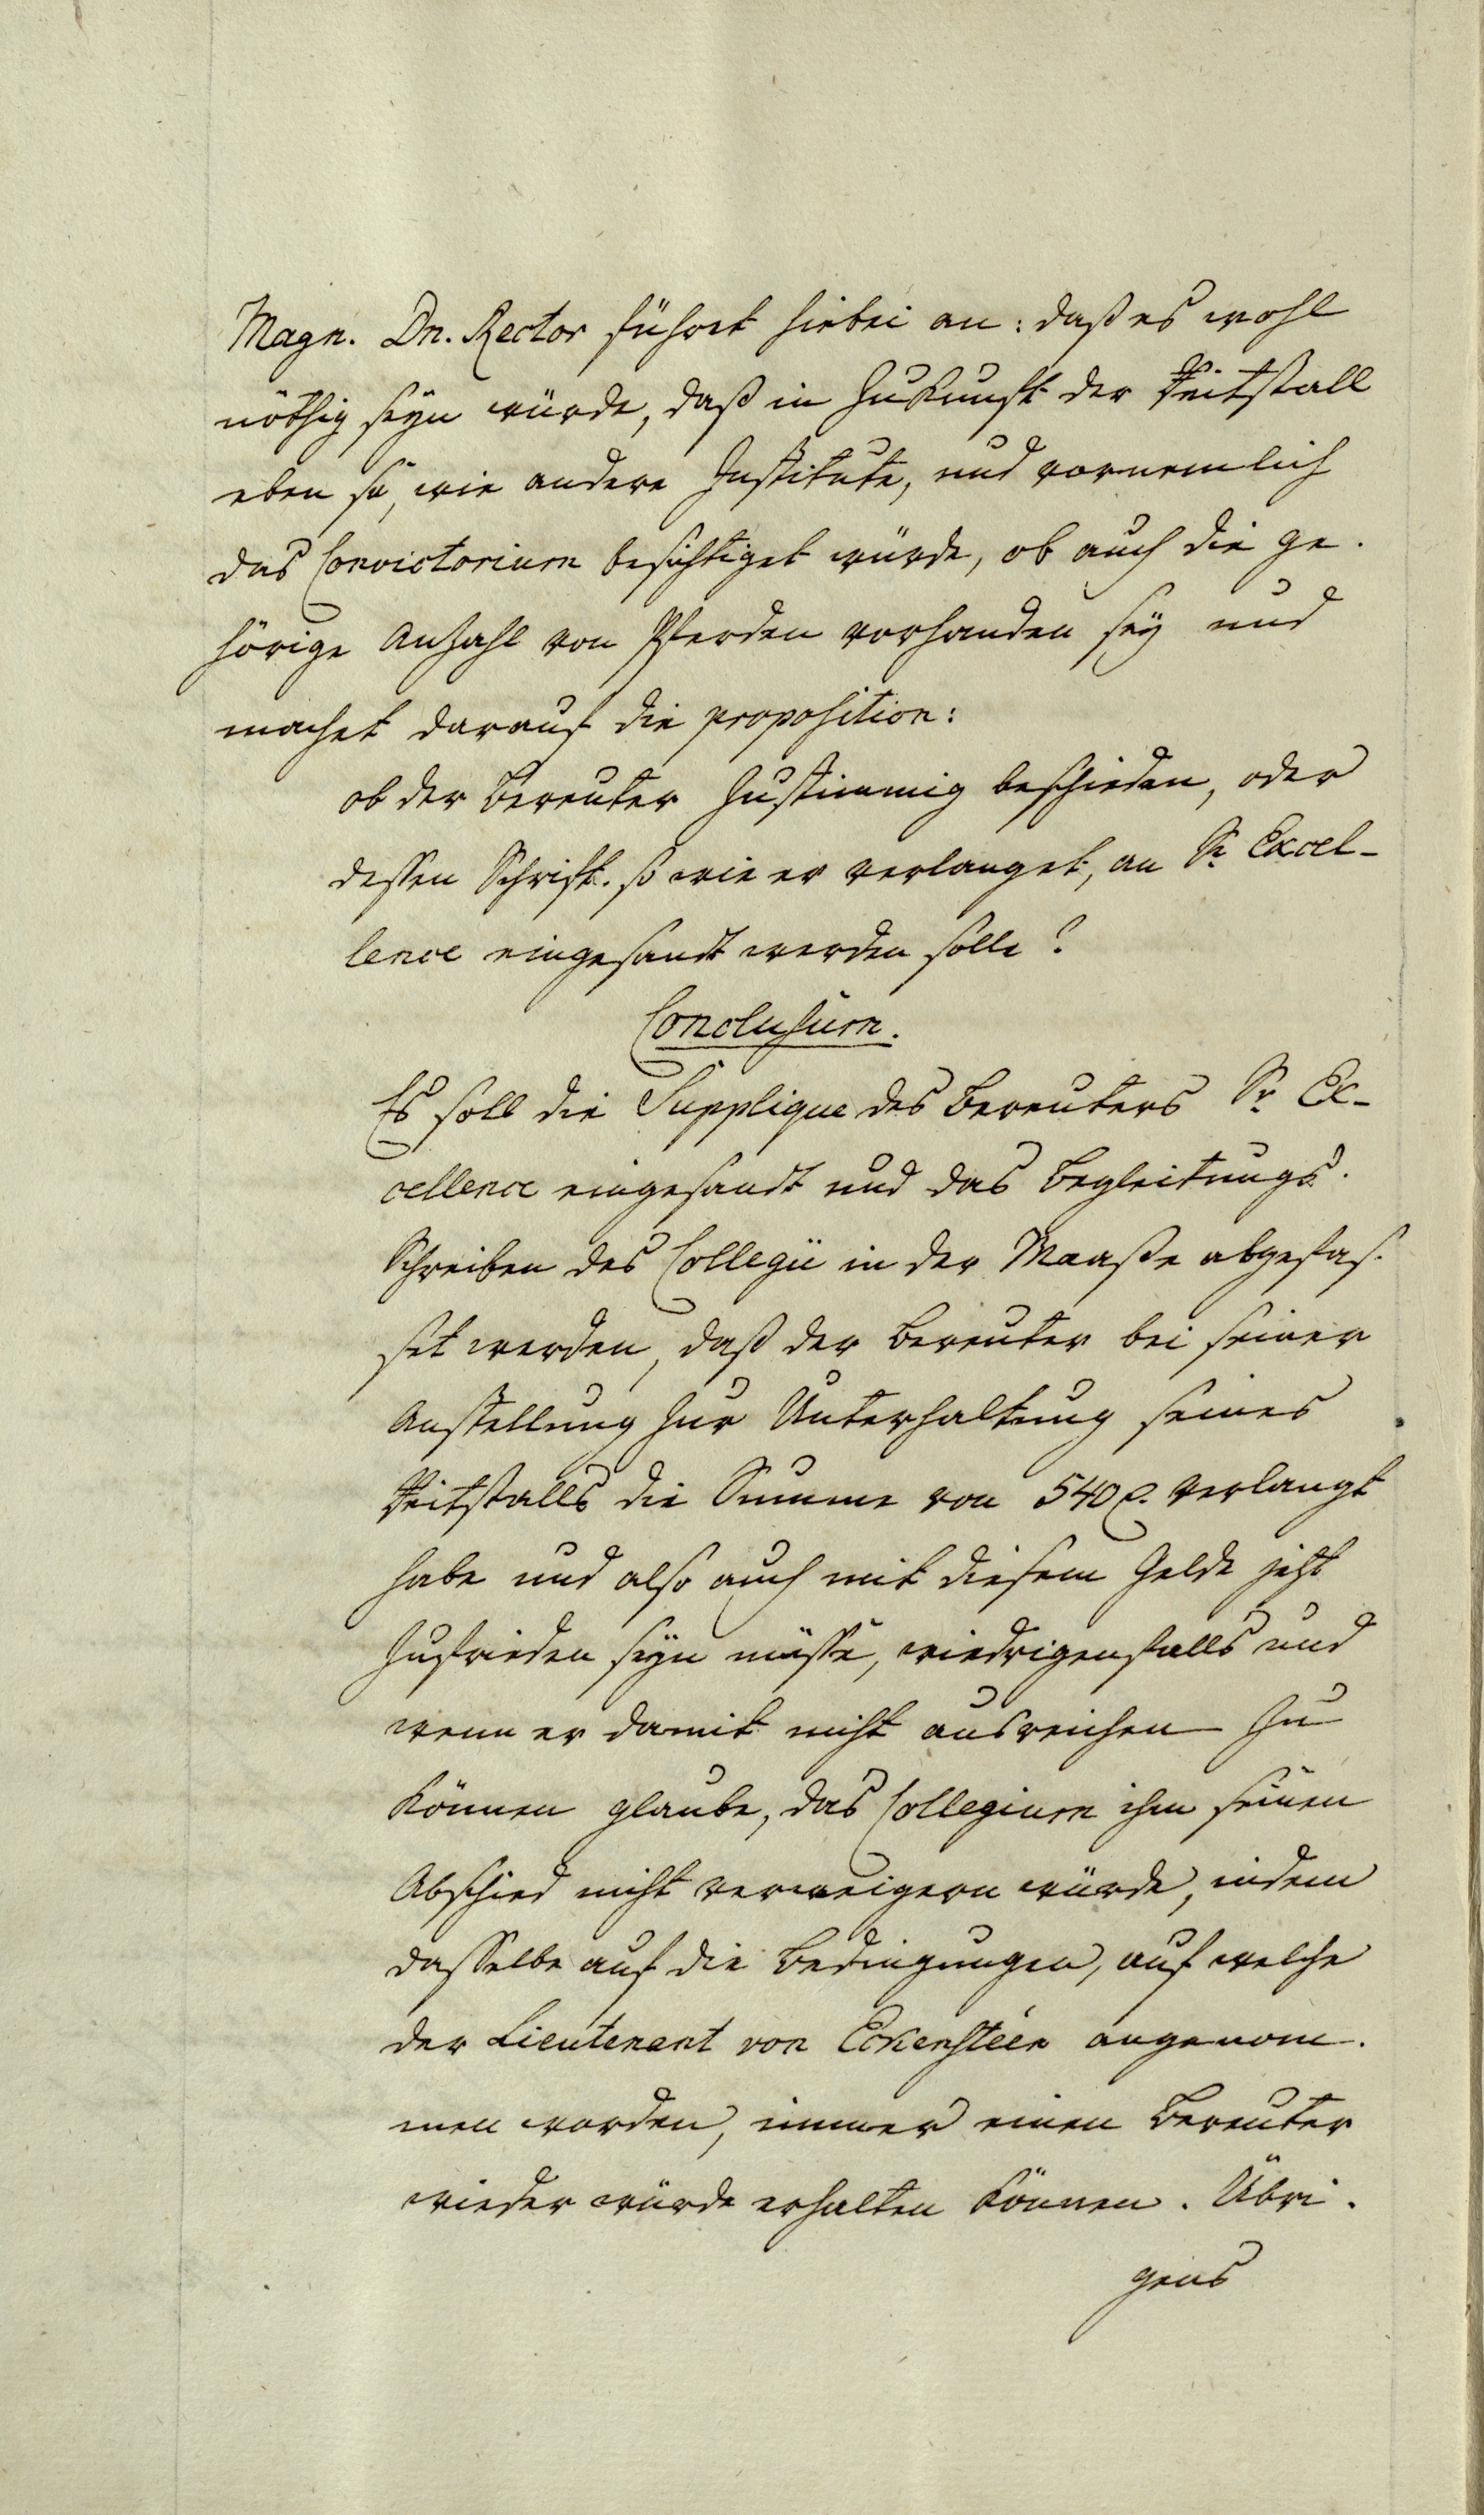Magn. Dn. Rector führt hiebei an: daß es wohl
nöthig seÿn würde, daß in Zukunft der Reitstall
eben so, wie andere Institute, und vornemlich
das Convictorium besichtiget würde, ob auch die ge
hörige Anzahl von Pferden vorhanden seÿ und
machet darauf die proposition:
ob der Bereuter zustimmig beschieden, oder
dessen Schrift, so wie er verlanget, an Sr. Excel¬
lence eingesandt werden solle?
Conclusum.
Es soll die Supplique des Bereuters Sr. Ex¬
cellence eingesandt und das Begleitungs¬
Schreiben des Collegii in der Maaße abgefas¬
set werden, daß der Bereuter bei seiner
Aufstellung zur Unterhaltung seines
Reitstalls die Summe von 540 rtl. verlangt
habe und also auch mit diesem Geld jetzt
zufrieden seÿn müsse, widrigenfalls und
wenn er damit nicht ausreichen zu
können glaube, das Collegium ihm seinen
Abschied nicht verweigern würde, indem
dasselbe auf die Bedingungen, auf welche
der Lieutenant von Eckensteén angenom¬
men worden, immer einen Bereuter
wieder würde erhalten können. Übri¬
gens